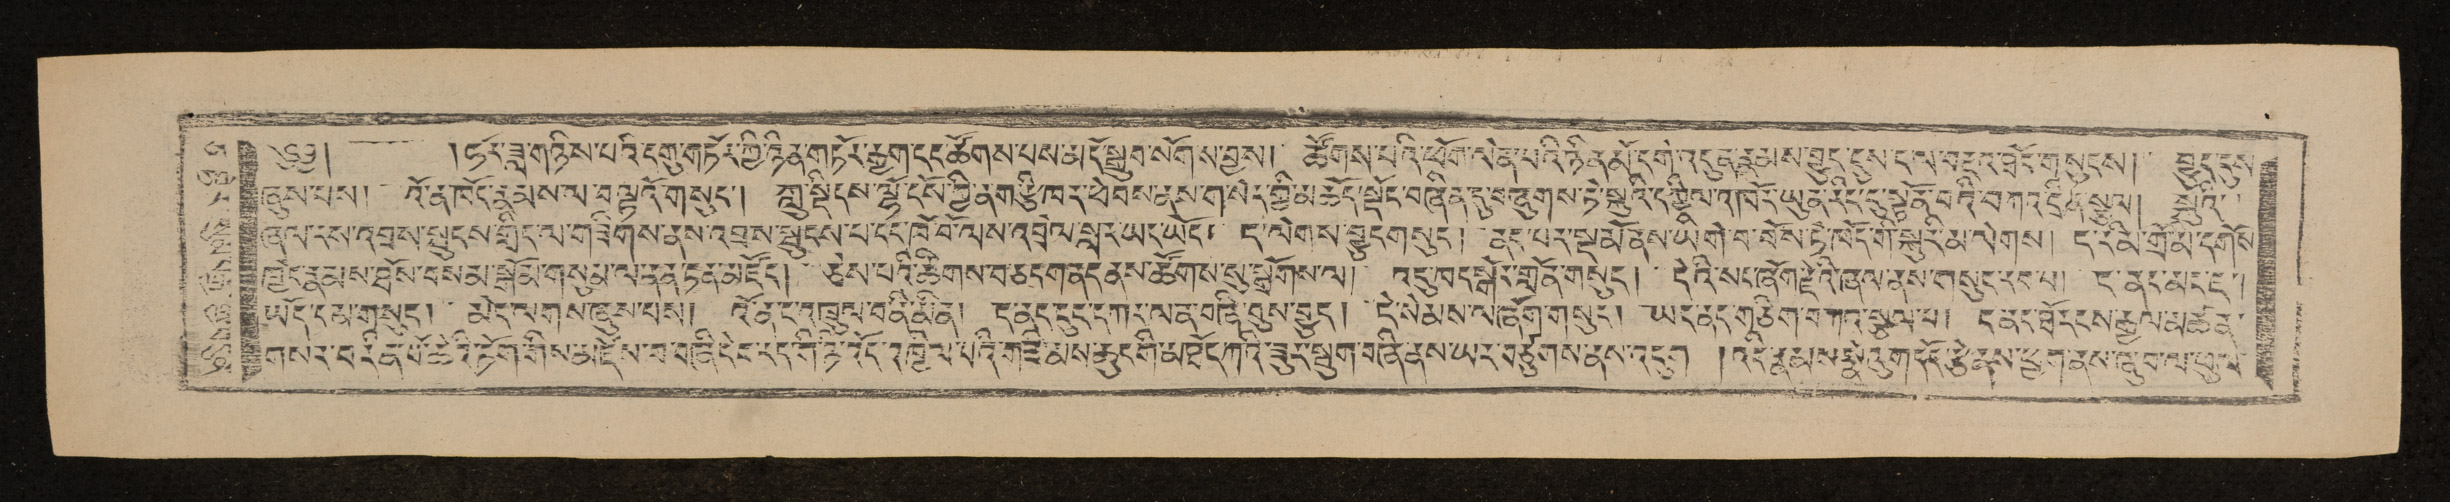༄༅། །ཧོར་ཟླ་གཉིས་པའི་དགུ་གཏོར་ཀྱི་ཉིན་གཏོར་རྒྱག་དང་ཚོགས་པས་མདོ་སྒྲུབ་སོགས་བྱས། ཚོགས་པའི་ཕོག་ལེན་པའི་ཉིན་མོ་དགེ་འདུན་རྣམས་བྱུང་དུས་ང་ལ་བརྡའ་ཐོང་གསུངས། བྱུང་དུས་
ཞུས་པས། འོ་ན་ཁོང་རྣམས་ལ་བལྟའོ་གསུང་། ཀླུ་སྡིངས་ལྷོ་ངོས་ཀྱི་ནག་རྩི་ཁར་ཕེབས་ནས་གསེར་གྱི་མཆོད་སྡོང་བཞིན་དུ་བཞུགས་ཏེ་སྐུའི་དཀྱིལ་འཁོར་ཡུན་རིང་དུ་སྟོན་པའི་བཀའ་དྲིན་སྩལ། སྐུའི་
ཞལ་རས་འབྲས་སྤུངས་གླིང་ལ་གཟིགས་ནས་འབྲས་སྤུངས་པ་དང་ཁོ་བོ་ལས་འབྲེལ་སླར་ཡང་ཡོད། ད་ལེགས་བྱུང་གསུང་། ནང་པར་སྔ་མོ་ནས་ཡི་གེ་པ་བོས་ཏེ་ཁོང་གི་སྐུ་རིམ་ལེགས། ད་རིམ་གྲོ་མི་དགོས་
ཁྱེད་རྣམས་ཐོས་བསམ་སྒོམ་གསུམ་ལ་ནན་ཏན་མཛོད། ཅེས་པའི་ཚིགས་བཅད་གནང་ནས་ཚོགས་སུ་སྒྲོགས་ལ། འདུ་ཁང་སྒོར་གློན་གསུང་། དེའི་སང་ཞོག་རྗེའི་ཞལ་ནས་གསུང་རབ་པ། ད་ནང་མང་ཇ་
ཡོད་དམ་གསུང་། མེད་ལགས་ཞུས་པས། འོ་ནང་འཁྲུལ་བ་ནི་མིན། ད་ནང་དུང་དཀར་ལན་བཞི་བུས་བྱུང་། དེ་སེམས་ལ་ཞོག་གསུང་། ཡང་ནང་གཅིག་བཀའ་སྩལ་པ། ད་ནང་ཐོ་རངས་རྒྱལ་མཚན་
གསར་པ་རིན་པོ་ཆེའི་ཏོག་གིས་མཛེས་པ་བཞི་ངེད་རང་གི་ཉི་འོད་འཁྱིལ་པའི་གཟིམས་ཆུང་གི་མཐོང་ཀའི་ཟུར་སྦུག་བཞི་ནས་ཡར་བཙུགས་ནས་འདུག །འདི་རྣམས་སྣེའུ་གདོང་རྩེ་ནས་ཕྱག་ནས་ཞུ་བ་ལ་ཕུལ་